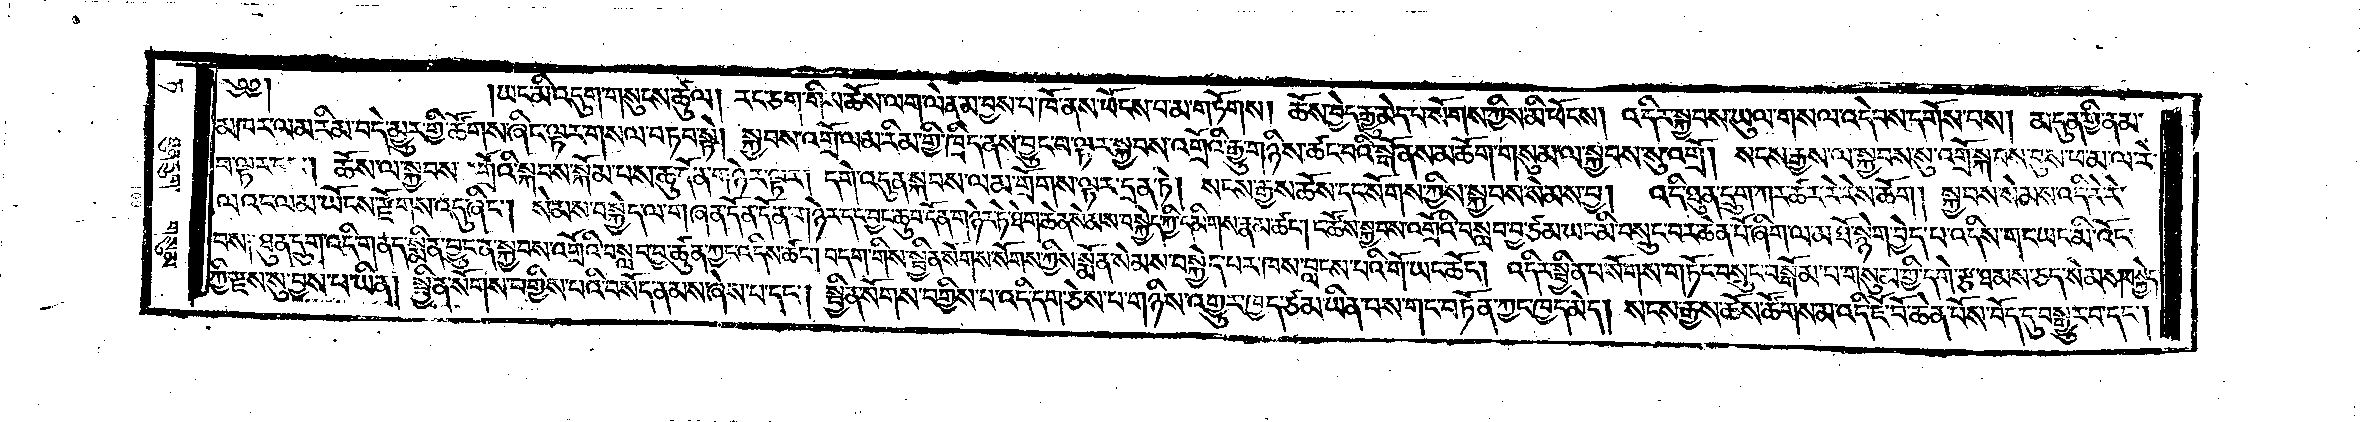༄༅། །ཡང་མི་འདུག་གསུངས་ཚུལ། རང་ཅག་གིས་ཆོས་ལག་ལེན་མ་བྱས་པ་ཁོ་ནས་ཕོངས་པ་མ་གཏོགས། ཆོས་བྱེད་རྒྱུ་མེད་པ་སོགས་ཀྱིས་མི་ཕོངས། འདིར་སྐྱབས་ཡུལ་གསལ་འདེབས་དགོས་པས། མདུན་གྱི་ནམ་
མཁར་ལམ་རིམ་འདི་?་མྱུར་གྱི་ཚོགས་ཞིང་ལྟར་གསལ་བཏབ་སྟེ། སྐྱབས་འགྲོ་ལམ་རིམ་གྱི་ཁྲིད་ནས་བྱུང་བ་ལྟར་སྐྱབས་འགྲོའི་རྒྱུ་གཉིས་ཚང་བའི་སྒོ་ནས་མཆོག་གསུམ་ལ་སྐྱབས་སུ་འགྲོ། སངས་རྒྱས་ལ་སྐྱབས་སུ་འགྲོ་སྐབས་བུས་ཕ་མ་ལ་རེ་
བ་ལྟར་དང་། ཆོས་ལ་སྐྱབས་འགྲོའི་སྐབས་སྐོམ་པས་ཆུ་དོན་གཉེར་ལྟར། དགེ་འདུན་སྐབས་ལམ་གྲོགས་ལྟར་དྲན་ཏེ། སངས་རྒྱས་ཆོས་དང་སོགས་ཀྱིས་སྐྱབས་སེམས་བྱ། འདི་ཐུན་དྲུག་ཀར་ཚར་རེ་རེས་ཆོག །སྐྱབས་སེམས་འདི་རེ་རེ་
ལའང་ལམ་ཡོངས་རྫོགས་འདུ་ཞིང་། སེམས་བསྐྱེད་ལ་གཞན་དོན་དོན་གཉེར་དང་བྱང་ཆུབ་དོན་གཉེར་ཏེ་ཐེག་ཆེན་སེམས་བསྐྱེད་ཀྱི་དམིགས་རྣམ་ཚང་། ང་ཚོས་སྐྱབས་འགྲོའི་བསླབ་བྱ་ཙམ་ཡང་མི་བསྲུང་བར་ཆེན་པོ་ཞིག་ལ་མཐོ་སྙེག་བྱེད་པ་འདིས་གང་ཡང་མི་འོང་
བས། ཐུན་དྲུག་འདི་གནད་སྨིན་བྱུང་ན་སྐྱབས་འགྲོའི་བསླབ་བྱ་ཚུན་ཀྱང་འདིས་ཚང་། བདག་གིས་སྦྱིན་སོགས་སོགས་ཀྱིས་སྨོན་སེམས་བསྐྱེད་པར་ཁས་བླངས་པའི་གོ་ཡང་ཆོང་། འདིར་སྦྱིན་བ་སོགས་གཏོང་བསྲུང་བསྒོམ་པ་གསུམ་གྱི་དགེ་རྩ་ཐམས་ཅད་སེམས་བསྐྱེད་
ཀྱི་རྗེས་སུ་བྱས་པ་ཡིན། སྦྱིན་སོགས་བགྱིས་པའི་བསོད་ནམས་ཞེས་པ་དང་། སྦྱིན་སོགས་བགྱིས་པ་འདི་དག་ཅེས་པ་གཉིས་འགྱུར་ཁྱད་ཙམ་ཡིན་པས་གང་བཏོན་ཀྱང་ཁྱད་མེད། སངས་རྒྱས་ཆོས་ཚོགས་མ་འདི་ཇོ་བོ་ཆེན་པོས་བོད་དུ་བསྒྱུར་བ་དང་།